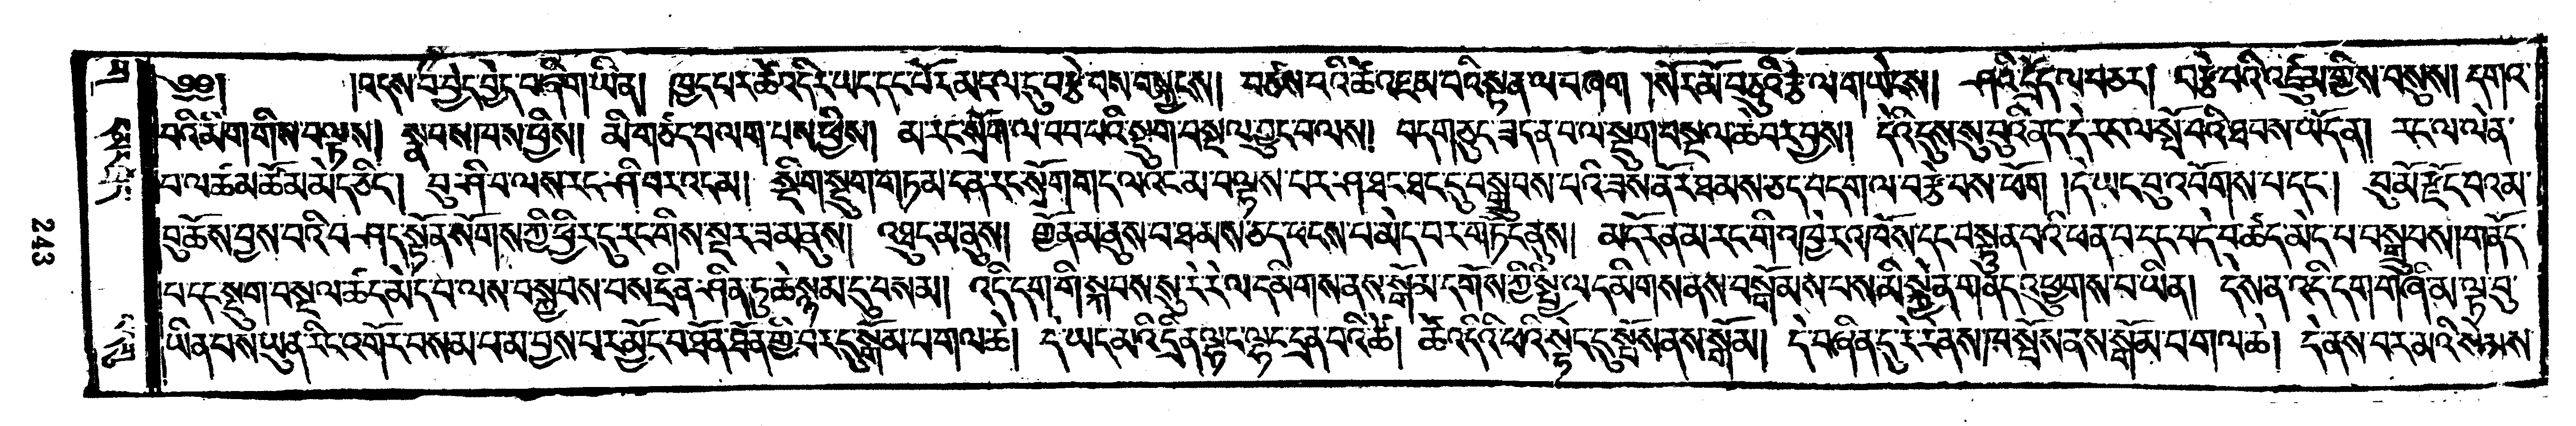༄༅། །འདས་པ་བྱེད་བྱེད་བ་ཞིག་ཡིན། ཁྱད་པར་ཚེ་འདིར་ཡང་དང་པོར་མངལ་དུ་བརྩེ་བས་བསྐྱངས། བཙས་པའི་ཚེ་འཇམ་པའི་བསྟན་ལ་བཞག །སོར་མོ་བཅུའི་རྩེ་ལ་གཡེངས། ཤའི་དྲོད་ལ་བཅར། བརྩེ་བའི་འཛུམ་གྱིས་བསུས། དགའ་
བའི་མིག་གིས་བལྟས། སྣ་བས་ཁས་ཕྱིས། མི་གཙད་པ་ལག་པས་ཕྱིས། མ་རང་སྲོག་ལ་བབ་པའི་སྡུག་བསྔལ་བྱུང་བ་ལས། བདག་ཅུང་ཟད་ན་བ་ལ་སྡུག་བསྔལ་ཆེ་བར་བྱས། དེའི་དུས་སུ་བུའི་ནད་དེ་རང་ལ་སྤོ་བའི་ཐབས་ཡོད་ན། རང་ལ་ལེན་
པ་ལ་ཚམ་ཚོམ་མེད་ཅིང་། བུ་ཤི་བ་ལས་རང་ཤི་བར་འད་མ། སྡིག་སྡུག་གཏམ་ངན་རང་སྲོག་གང་ལའང་མ་བལྟས་པར་ཤ་ཐང་ཐང་དུ་བསྒྲུབས་པའི་ཟས་ནོར་ཐམས་ཅད་བདག་ལ་བརྩེ་བས་ཕོག །དེ་ཡང་བུ་འབོགས་པ་དང་། བུ་མོ་རྫོང་པའམ་
བུ་ཆོས་བྱས་པའི་བཤད་སྟོན་སོགས་ཀྱི་ཕྱིར་དུ་རང་གིས་སྔར་ཟ་མ་ནུས། འཐུང་མ་ནུས། གྱོན་མ་ནུས་པ་ཐམས་ཅད་ཕངས་པ་མེད་པར་གཏོང་ནུས། མདོར་ན་མ་རང་གི་འཁྱེར་འཁོས་དང་བསྟུན་པའི་ཕན་པ་དང་བདེ་བ་ཚད་མེད་པ་བསྒྲུབས། གནོད་
པ་དང་སྡུག་བསྔལ་ཚད་མེད་པ་ལས་བསྐྱབས་པས་དྲིན་ཤིན་ཏུ་ཆེ་སྙམ་དུ་བསམ། འདི་དག་གི་སྐབས་སུ་རེ་རེ་ལ་དམིགས་ནས་སྒོམ་དགོས་ཀྱི་སྤྱི་ལ་དམིགས་ནས་བསྒོམས་པས་མི་སྐྱེན་གནད་འཕྱུགས་པ་ཡིན། དེས་ན་འདི་དག་གཞི་མ་ལྟ་བུ་
ཡིན་པས་ཡུན་རིང་འགོར་བསམ་པ་མ་བྱས་པར་མྱོང་བ་ཐོན་ཐོན་གྱི་བར་དུ་སྒོམ་པ་གལ་ཆེ། དེ་ཡང་མའི་དྲིན་ལྷང་ལྷང་དྲན་བའི་ཚེ། ཚེ་འདིའི་ཕའི་སྟེང་དུ་སྤོས་ནས་སྒོམ། དེ་བཞིན་དུ་རེ་རེ་ནས་ཁ་སྤོས་ནས་སྒོམ་པ་གལ་ཆེ། དེ་ནས་བར་མའི་སེམས་